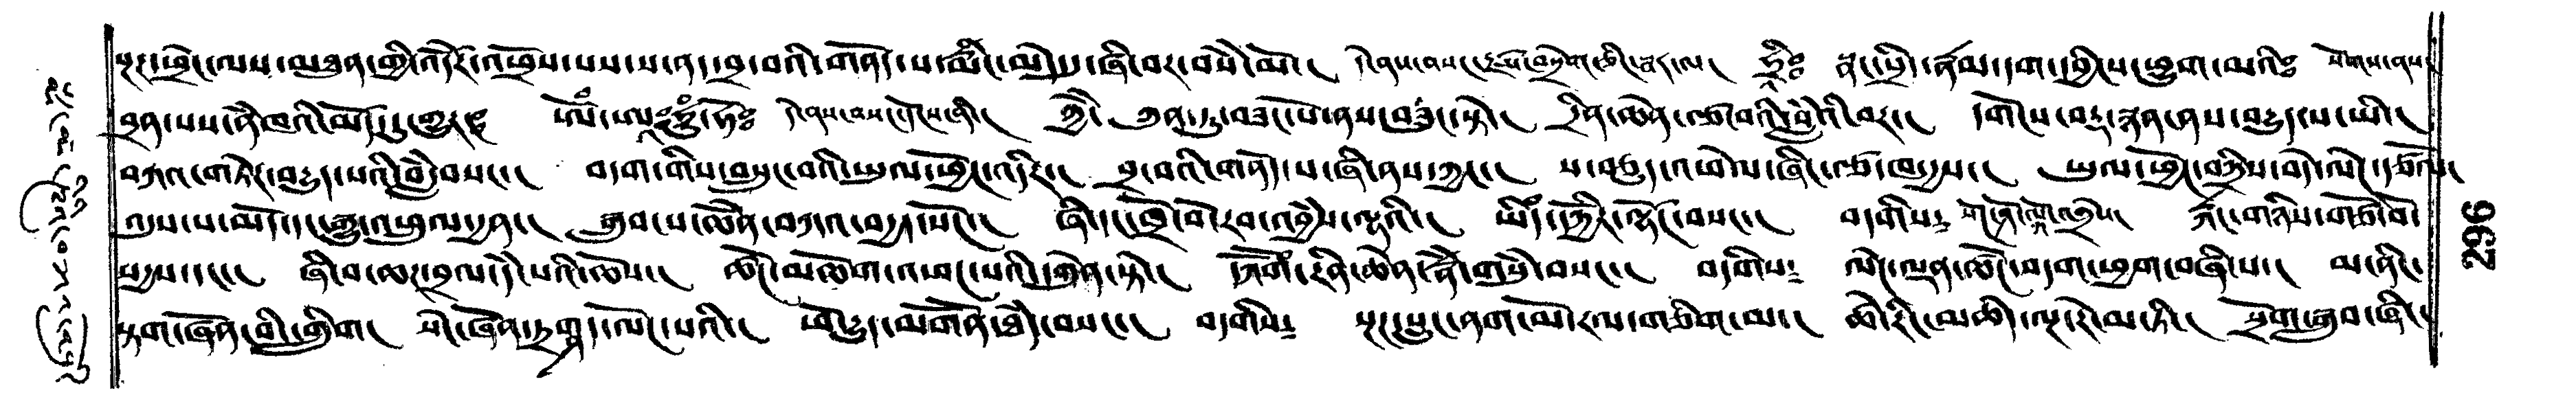སྔགས་ཕྲེང་ལས་མཐུན་གྱི་འོད་ཟེར་འཕྲོས་པས་ས་ནད་བྲ་བའི་གནོད་པ་རྨེག་མེད་དུ་ཞི་བར་བསམ་མོ། དེ་ནས་བསང་རྫས་བསྲེག་ཅིང་སྦར་ལ། ཧྲཱིཿ སྣང་སྲིད་རྣམ་དག་དབྱིངས་ཕྱུག་མའི༔ སོགས་ནས། 
བྲན་པས་ནམ་མཁའི་མཛོད་དུ་གྱུར༔ ཨོཾ་ཨཱཿཧཱུྃ་ཧོཿ དེ་ནས་བསང་དངོས་ནི། ཀྱཻ། ཀུན་ཏུ་བཟང་པོ་ནས་བཟུང་སྟེ། །དྲིན་ཆེན་རྩ་བའི་བླ་མའི་བར། །དགོངས་བརྡ་སྙན་ནས་བརྒྱུད་པ་ཡི། །
བཀའ་གཏེར་བརྒྱུད་པའི་བླ་མ་བསང་། །བདག་གིས་བསྲུང་བའི་ཡུལ་ཕྱོགས་འདིར། །བྲ་བའི་གནོད་པ་ཞི་ནས་ཀྱང་། །ས་བཅུད་འཕེལ་ཞིང་རྩ་ཁ་རྒྱས། །ཡུལ་ཕྱོགས་བཀྲ་ཤིས་བདེ་ལེགས་སྩོལ། །
འདུས་པ་མདོ་དང་སྒྱུ་འཕྲུལ་རྒྱུད། །སྒྲུབ་པ་ཆེན་པོ་བཀའ་བརྒྱད་སོགས། །ཞི་དང་ཁྲོ་བོ་རབ་འབྱམས་ལྷའི། །ཡི་དམ་དཀྱིལ་འཁོར་ལྷ་ཚོགས་བསང་། །བདག་གིས༴ སོགས་ཤླཽ་ཀ་འགྲེས། རྐང་གཉིས་གཙོ་བོ་
སངས་རྒྱས་དང་། །ཞི་བ་ཆགས་བྲལ་དམ་པའི་ཆོས། །ཚོགས་མཆོག་འཕགས་པའི་དགེ་འདུན་སྟེ། །དཀོན་མཆོག་རིན་ཆེན་རྣམ་གསུམ་བསང་། །བདག་གིས༴ ལེགས་ལྡན་ཚོགས་བདག་ཕྱག་བཞི་པ། །མ་ནིང་
སྟག་ཞོན་བིང་གྲི་གུག །སེང་ཞོན་ཏྲག་ཤད་ལགས་པའི། །ཕོ་རྒྱུད་མགོན་པོ་ཐམས་ཅད་བསང་། །བདག་གིས་༴ སྔགས་སྲུང་ནག་མོ་རལ་གཅིག་མ། །ཚེ་རིང་མཆེད་ལྔ་རེ་མ་ཏི། །སྲོག་སྒྲུབ་ཞིང་